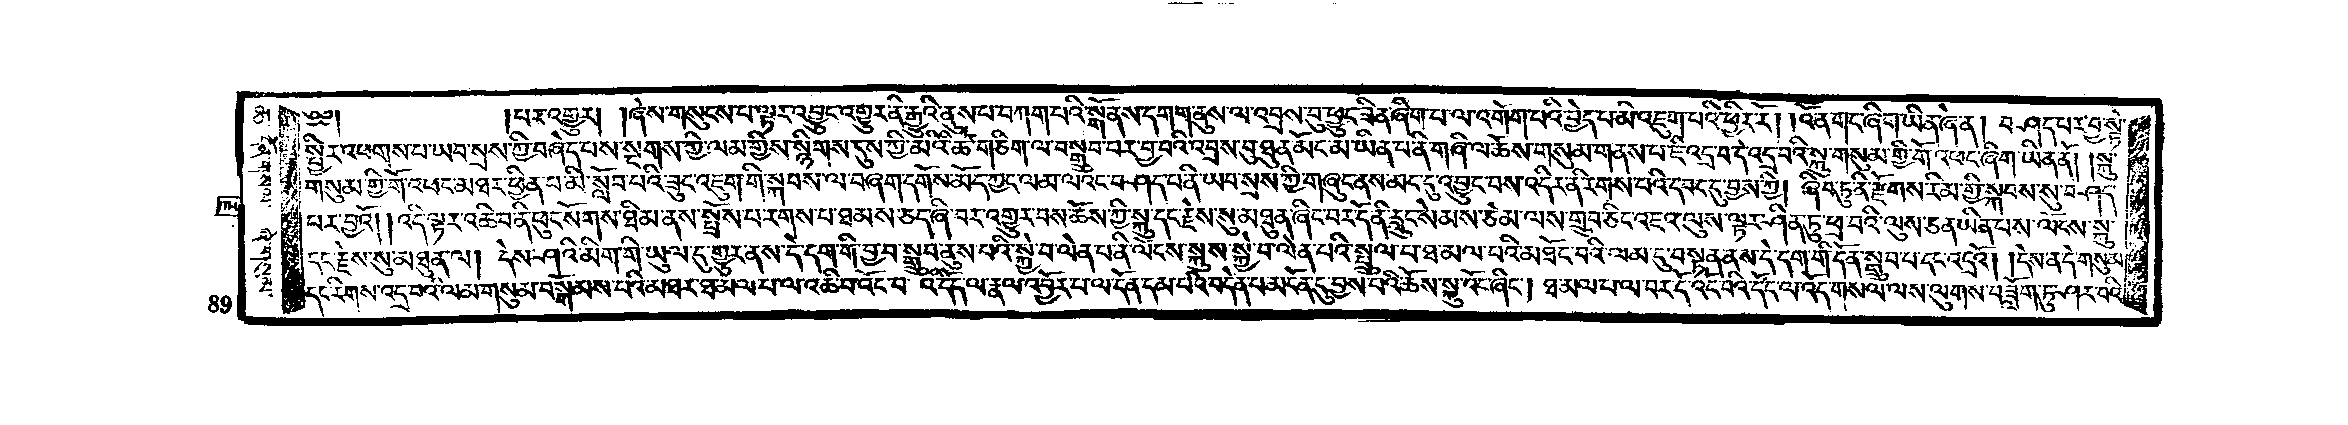༄༅། །པར་འགྱུར། །ཞེས་གསུངས་པ་ལྟར་འབྱུང་འགྱུར་ནི་རྒྱུའི་ནུས་པ་བཀག་པའི་སྒོ་ནས་དགག་ནུས་ལ་འབྲས་བུ་ཕྱུང་ཟིན་ཞིག་པ་ལ་འགོག་པའི་བྱེད་པ་མི་འཇུག་པའི་ཕྱིར་རོ། །འོ་ན་གང་ཞིག་ཡིན་ཞེ་ན། བཤད་པར་བྱ་སྟེ་
སྤྱིར་འཕགས་པ་ཡབ་སྲས་ཀྱི་བཞེད་པས་སྔགས་ཀྱི་ལམ་གྱིས་སྙིགས་དུས་ཀྱི་མིའི་ཚེ་གཅིག་ལ་བསྒྲུབ་བར་བྱ་བའི་འབྲས་བུ་ཐུན་མོང་མ་ཡིན་པ་ནི་གཞི་ལ་ཆོས་གསུམ་གནས་པ་ཇི་འདྲ་བ་དེ་འདྲ་བའི་སྐུ་གསུམ་གྱི་གོ་འཕང་ཞིག་ཡིན་ནོ། །སྐུ་
གསུམ་གྱི་གོ་འཕང་མཐར་ཕྱིན་པ་མི་སློབ་པའི་ཟུང་འཇུག་གི་སྐབས་ལ་བཞག་དགོས་མོད་ཀྱང་ལམ་ལའང་བཤད་པ་ནི་ཡབ་སྲས་ཀྱི་གཞུང་ནས་མང་དུ་འབྱུང་བས་འདིར་ནི་རིགས་པའི་དབང་དུ་བྱས་ཀྱི། ཞིབ་ཏུ་ནི་རྫོགས་རིམ་གྱི་སྐབས་སུ་བཤད་
པར་བྱའོ། །འདི་ལྟར་འཆི་བ་ནི་ཕུང་སོགས་ཐིམ་ནས་སྤྲོ་ས་པ་རགས་པ་ཐམས་ཅད་ཞི་བར་འགྱུར་བས་ཆོས་ཀྱི་སྐུ་དང་རྗེས་སུ་མཐུན་ཞིང་བར་དོ་ནི་རླུང་སེམས་ཙམ་ལས་གྲུབ་ཅིང་འཇའ་ལུས་ལྟར་ཤིན་ཏུ་ཕྲ་བའི་ལུས་ཅན་ཡིན་པས་ལོངས་སྐུ་
དང་རྗེས་སུ་མཐུན་ལ། དེས་ཤའི་མིག་གི་ཡུལ་དུ་གྱུར་ནས་དེ་དག་གི་བྱ་བ་སྒྲུབ་ནུས་པའི་སྐྱེ་བ་ལེན་པ་ནི་ལོངས་སྐུས་སྐྱེ་བ་ལེན་པའི་སྤྲུལ་པ་ཐ་མལ་པའི་མཐོང་བའི་ལམ་དུ་བསྟན་ནས་དེ་དག་གི་དོན་སྒྲུབ་པ་དང་འདྲའོ། །དེས་ན་དེ་གསུམ་
དང་རིགས་འདྲ་བའི་ལམ་གསུམ་བསྒོམས་པའི་མཐར་ཐ་མལ་པ་ལ་འཆི་བ་འོང་བའི་དོད་ལ་རྣལ་འབྱོར་པ་ལ་དོན་དམ་པའི་བདེན་པ་མངོན་དུ་བྱས་བའི་ཆོས་སྐུ་འོང་ཞིང་། ཐ་མལ་པ་ལ་བར་དོ་འོང་བའི་དོད་ལ་འོད་གསལ་ལས་ལུགས་བཟློག་ཏུ་ཤར་བའི་